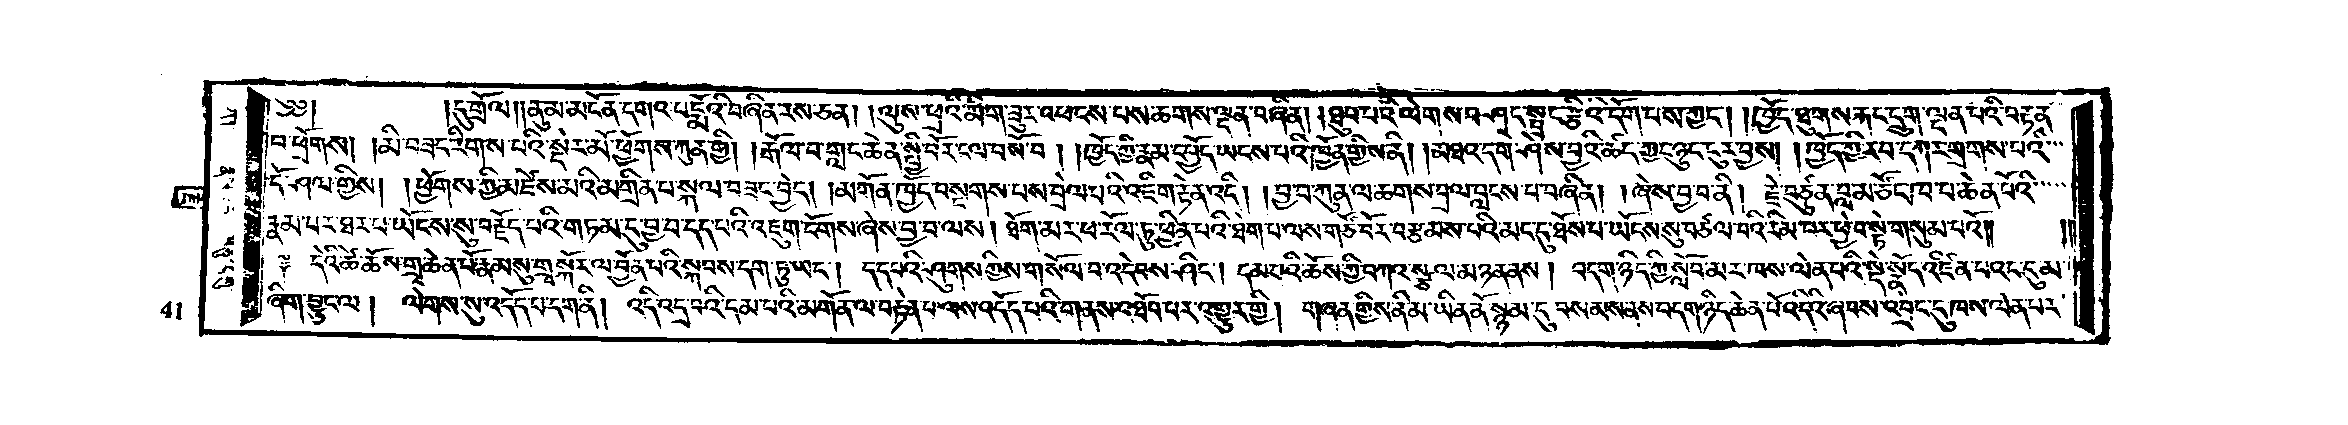༄༅། །དུ་གྲོལ། །ནུ་མ་མངོན་དགའ་པདམོའི་བཞིན་རས་ཅན། །ལུས་ཕྲའི་མིག་ཟུར་འཕངས་པས་ཆགས་ལྡན་བཞིན། །ཐུབ་པའི་ལེགས་བཤད་སྦྲང་རྩིའི་དོག་པས་ཀྱང་། །ཁྱོད་ཐུགས་རྐང་དྲུག་ལྡན་པའི་བརྟན་
པ་ཕྲོགས། །མི་བཟང་རིགས་པའི་སྡེར་མོ་ཕྱོགས་ཀུན་གྱི། །རྒོལ་བ་གླང་ཆེན་སྤྱི་བོར་ངལ་བསོ་བ། །ཁྱོད་ཀྱི་རྣམ་དཔྱོད་ཡངས་པའི་ཁྱོན་གྱིས་ནི། །མཐའ་དགེ་ཤེས་བྱའི་ཚད་ཀྱང་ཉུང་ངུར་བྱས། །ཁྱོད་ཀྱི་རབ་དཀར་གྲགས་པའི་
དོ་ཤལ་གྱིས། །ཕྱོགས་ཀྱི་མཛེས་མའི་མགྲིན་པ་སྐལ་བཟང་བྱེད། །མགོན་ཁྱོད་བསྔགས་པས་བྲེལ་པའི་འཇིག་རྟེན་འདི། །བྱ་བ་ཀུན་ལ་ཆགས་བྲལ་བླངས་པ་བཞིན། །ཞེས་བྱ་བ་ནི། རྗེ་བཙུན་བླ་མ་ཙོང་ཁ་པ་ཆེན་པོའི་
རྣམ་པར་ཐར་པ་ཡོངས་སུ་བརྗོད་པའི་གཏམ་དུ་བྱ་བ་དད་པའི་འཇུག་ངོགས་ཞེས་བྱ་བ་ལས། ཐོག་མར་ཕ་རོལ་ཏུ་ཕྱིན་པའི་ཐེག་པ་ལས་གཙོ་བོར་བརྩམས་པའི་མང་དུ་ཐོས་པ་ཡོངས་སུ་བཙལ་བའི་རིམ་པར་ཕྱེ་བ་སྟེ་གསུམ་པའོ།། །།
༈ དེའི་ཚེ་ཆོས་གྲྭ་ཆེན་པོ་རྣམས་སུ་གྲྭ་སྐོར་ལ་བྱོན་པའི་སྐབས་དག་ཏུ་ཡང་། དད་པའི་ཤུགས་ཀྱིས་གསོལ་བ་འདེབས་ཤིང་། དམ་པའི་ཆོས་ཀྱི་བཀའ་སྩལ་མཉན་ནས། བདག་ཉིད་ཀྱི་སློབ་མར་ཁས་ལེན་པའི་སྡེ་སྣོད་འཛིན་པའང་དུ་མ་
ཞིག་བྱུང་ལ། ལེགས་སུ་འདོད་པ་དག་ནི། འདི་འདྲ་བའི་དམ་པའི་མགོན་ལ་བརྟེན་པ་ལས་འདོད་པའི་གནས་འཐོབ་པར་འགྱུར་གྱི། གཞན་གྱིས་ནི་མ་ཡིན་ནོ་སྙམ་དུ་བསམས་ནས་བདག་ཉིད་ཆེན་པོ་འདིའི་ཞབས་འབྲེང་དུ་ཁས་ལེན་པར་